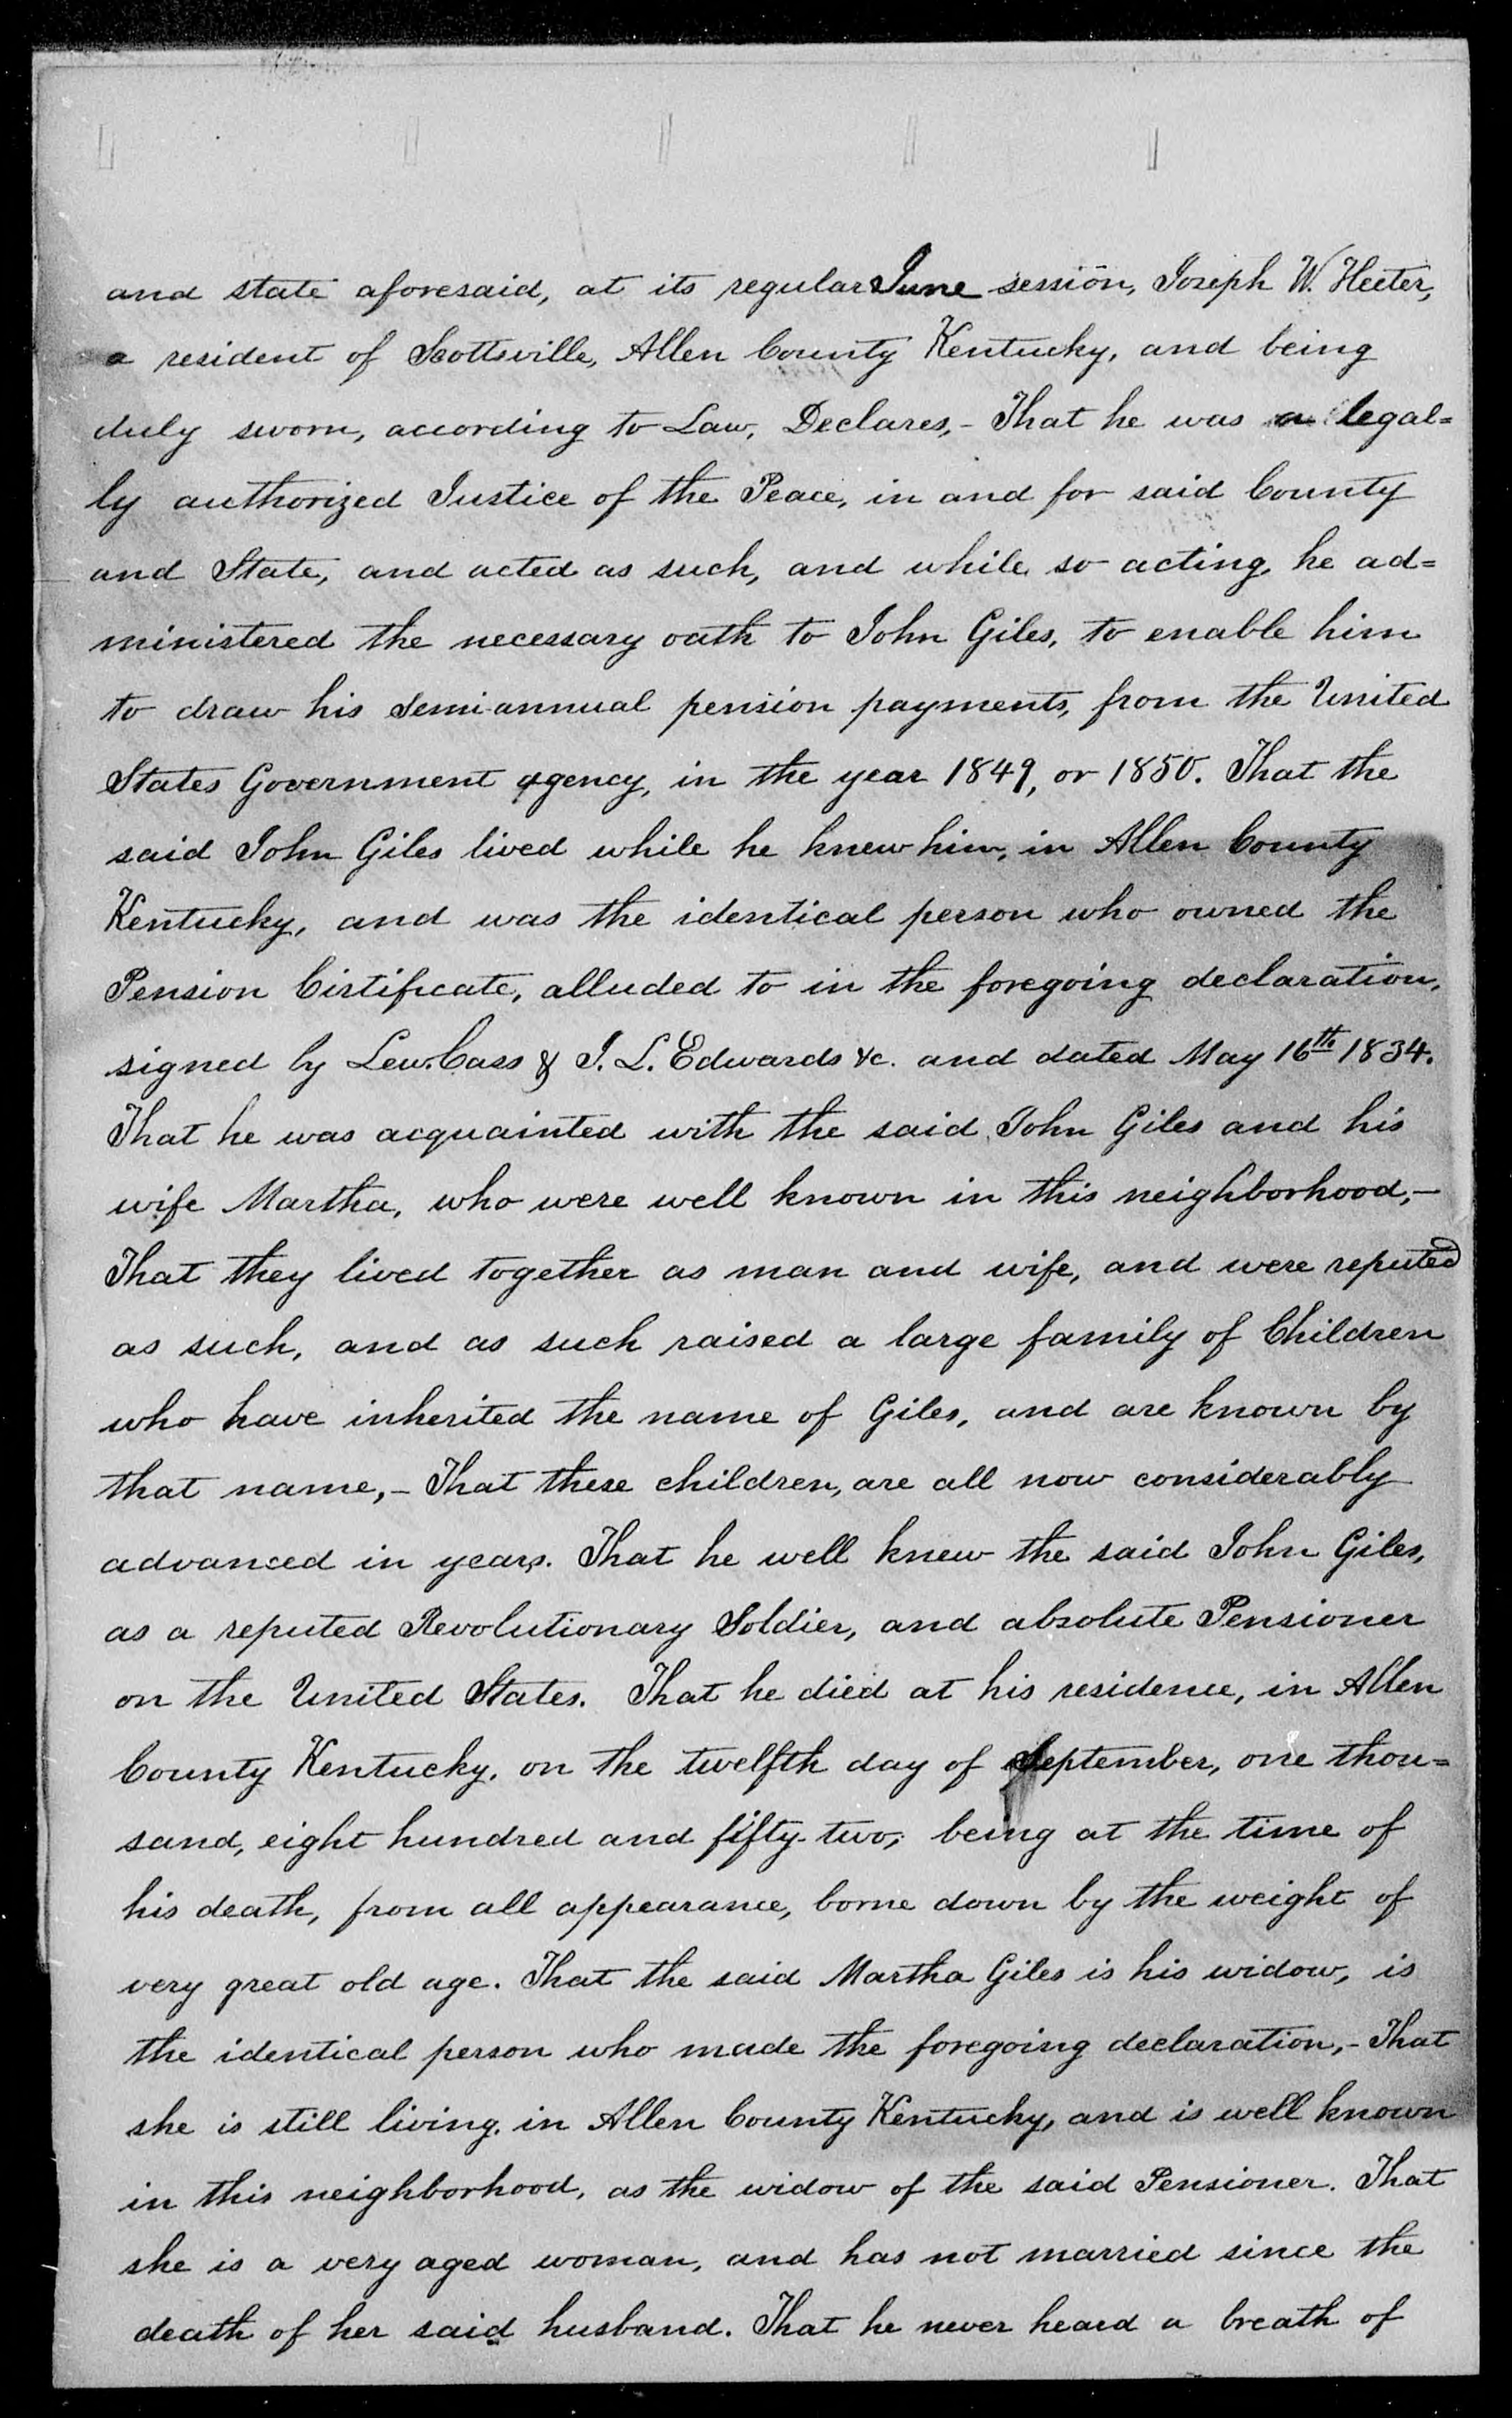and state aforesaid, at its regular session, Joseph W. Hecter, a resident of Scottsville, Allen County Kentucky, and being duly sworn, according to Law declares, that he was a legal by authorized Justice of the Peace, in and for said County and State, and acted as such, and while so acting he administered the necessary oath to John Giles, to enable him to draw his semi annual pension payments from the United States Government agency, in the year 1849, or 1850. That the said John Giles lived while he knew him, in Allen County Kentucky, and was the identical person who owned the Pension Certificate, alluded to in the foregoing declaration signed by Lewlass and J. L. Edwards and dated May 16th 1834. That he was acquainted with the said John Giles and his wife Martha who were well known in this neighborhood, That they lived together as man and wife, and were reputed as such, and as such raised a large family of Children who have inherited the name of Giles, and ae known by that name, That these children are all now considerably advanced in years. That he well knew the said John Giles, as a reputed Revolutionary Soldier, and absolute Pensioner on the United States. That he died at his residence, in Allen County Kentucky, on the twelfth day of September, one thousand, eight hundred and fifty-two, being at the time of his death, from all appearance, bone down by the weight of very great old age. That the said Martha Giles is his widow, is the identical person who made the foregoing declaration, That she is still living in Allen County Kentucky and is well known in this neighborhood, as the widow of the said Pensioner. That she is a very aged woman, and has not married since the death of her said husband. That he never heard a breath of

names: Giles, John Giles, Martha, Martha Giles, John Giles, John Giles, J L Edwards, John Giles, Joseph W Heeter, Lew Cass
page: 26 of 82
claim: widow's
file: W. 7,522, John Giles, N.C.